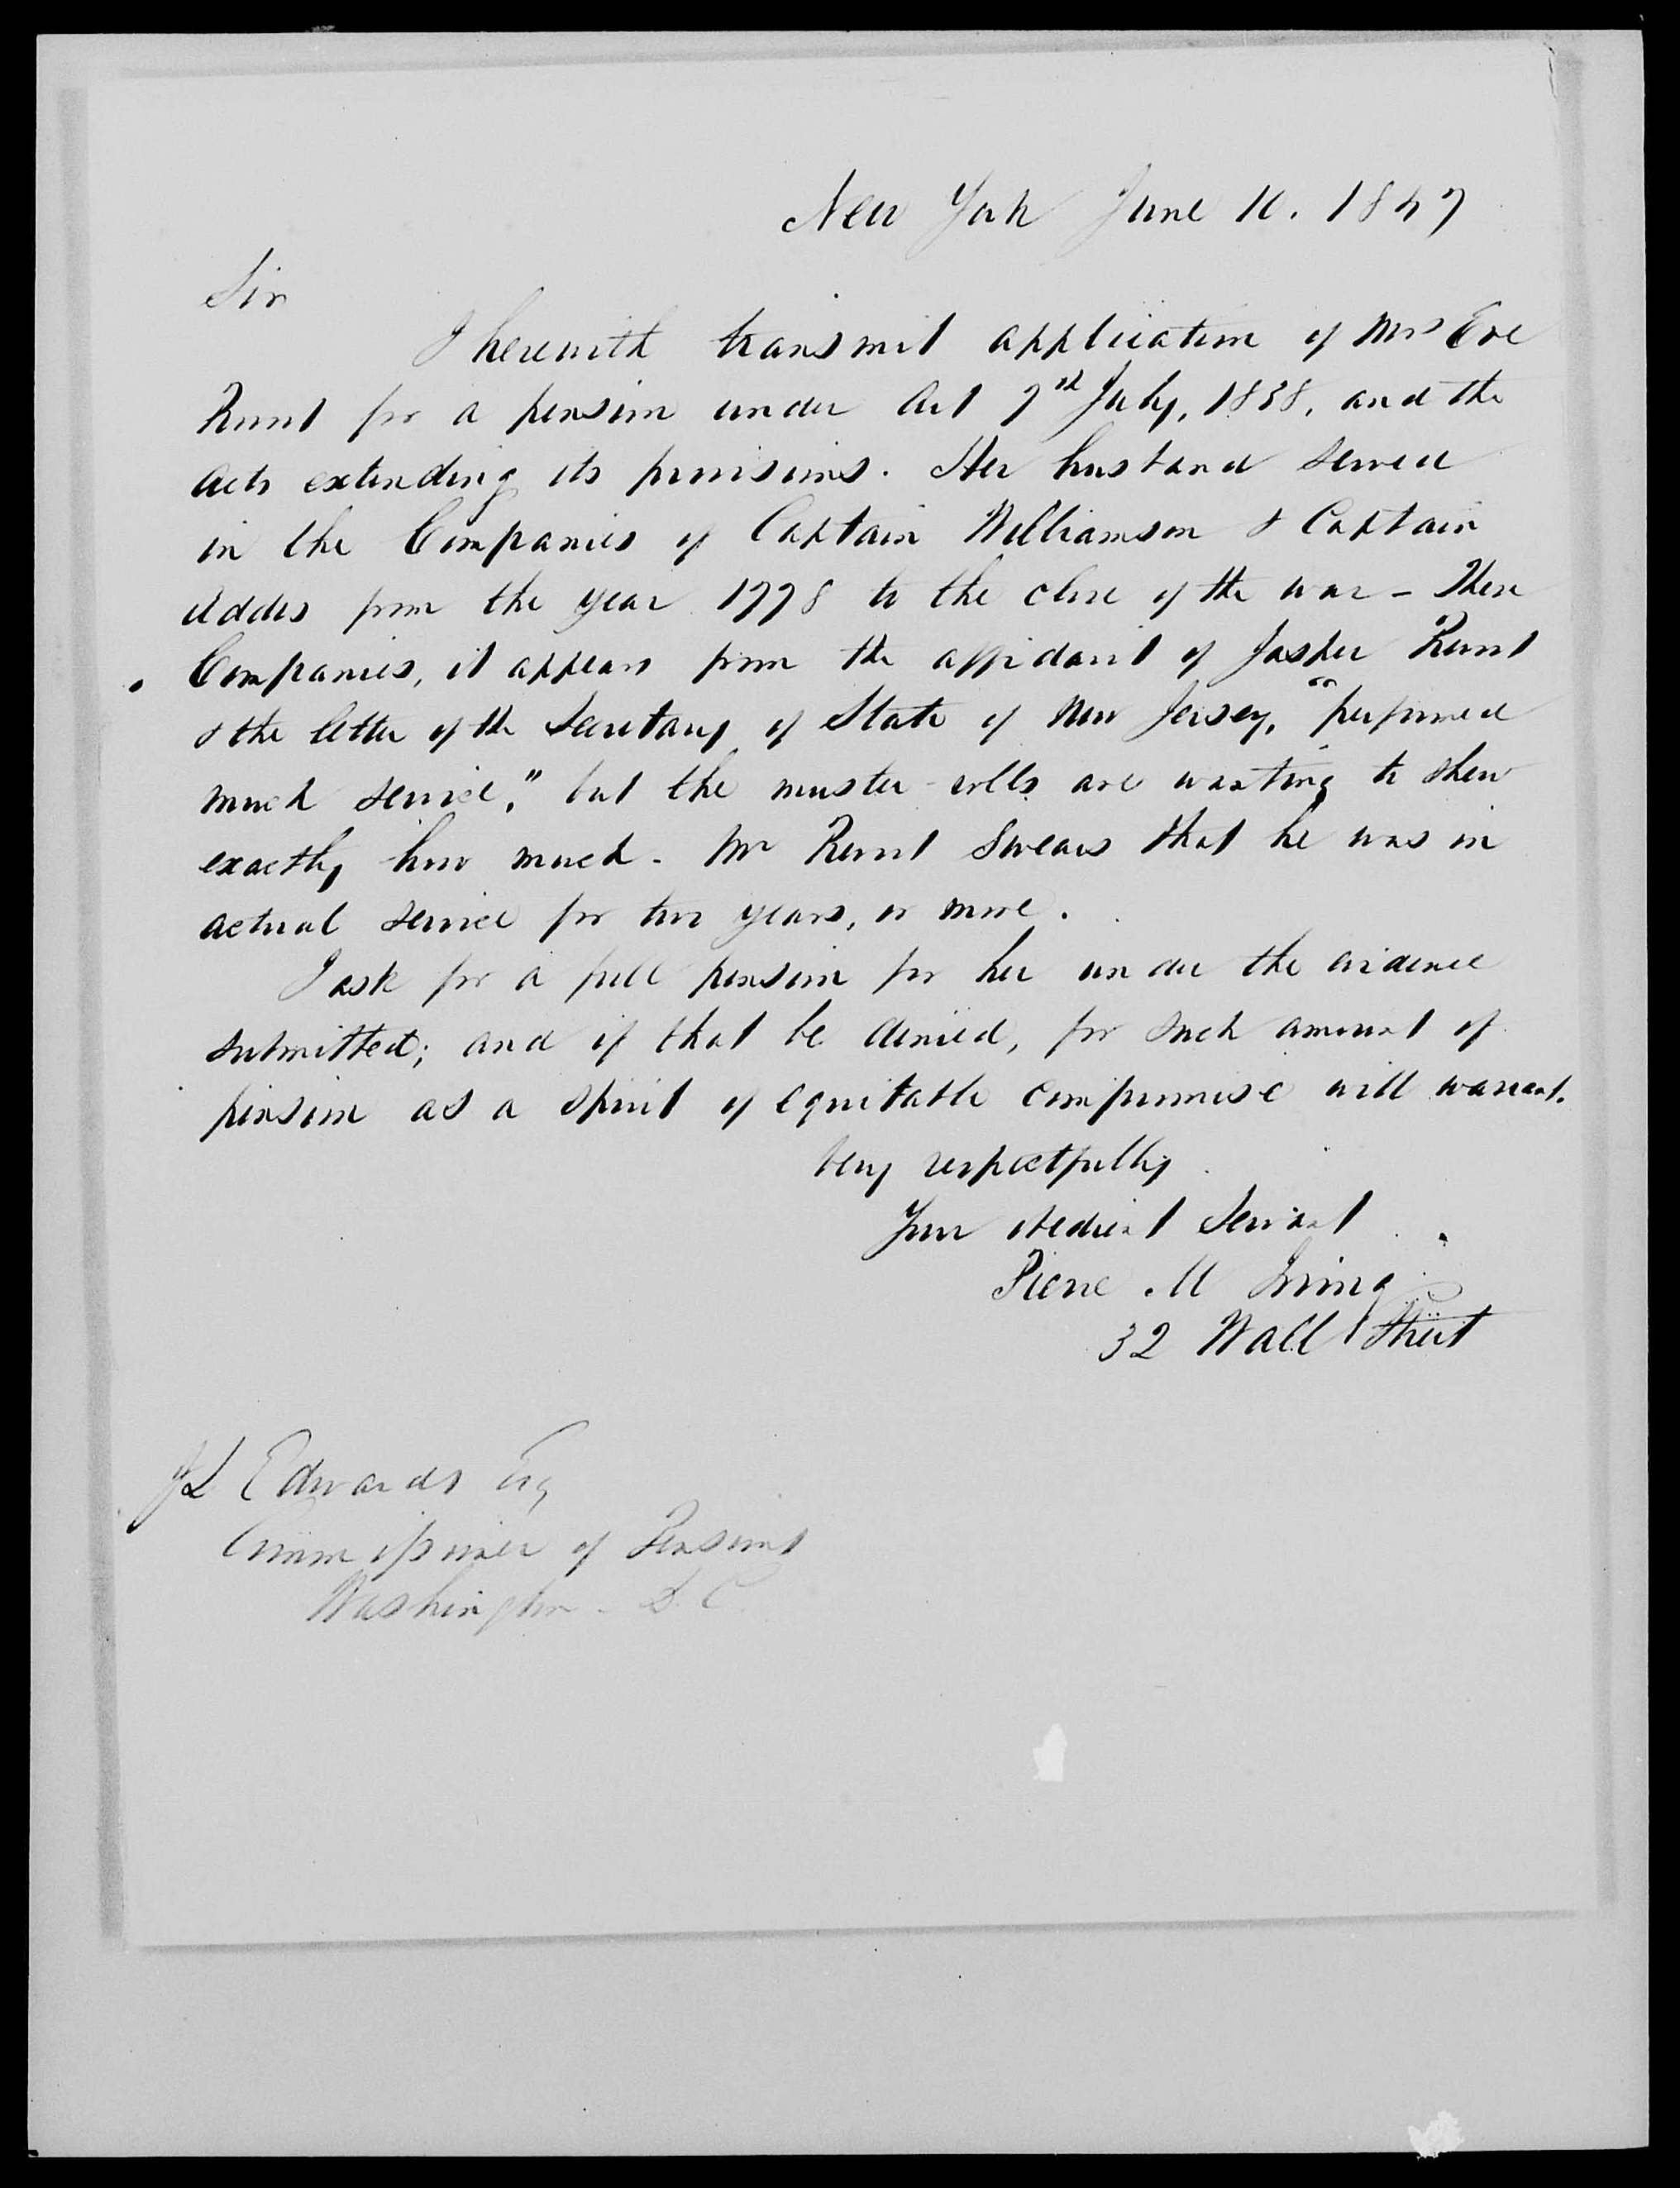New York June 10 1847
Sir, I herewith transmit application of Mrs Eve Provost for a pension under Act 7th July 1838 and the Acts extending its provisions. Her husband served in the Companies of Captain Williamson & Captain Addis from the year 1778 to the close of the war - These Companies, it appears from the affidavit of Jasper Prevost & the letter of the Secretary of State of New Jersey "performed much service" but the muster rolls are wanting to shew exactly how much. Mr Provost swears that he was in actual service for two years, or more. I ask for a full pension for her under the evidence sumitted; and if that be denied, for such amount of pension as a spirit of equitable compromise will warrant. Very respectfully Your obedient servant Pierre M Irving 32 Wall Street
JL Edwards Esq Commissioner of Pensions Washington DC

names: Jasper Runt; [BLANK] Williamson; Pierre M Irving; J L Edwards; [BLANK] Addis; Eve Runt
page: 17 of 19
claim: rejected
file: R. 8454, for John Provoost, New Jersey